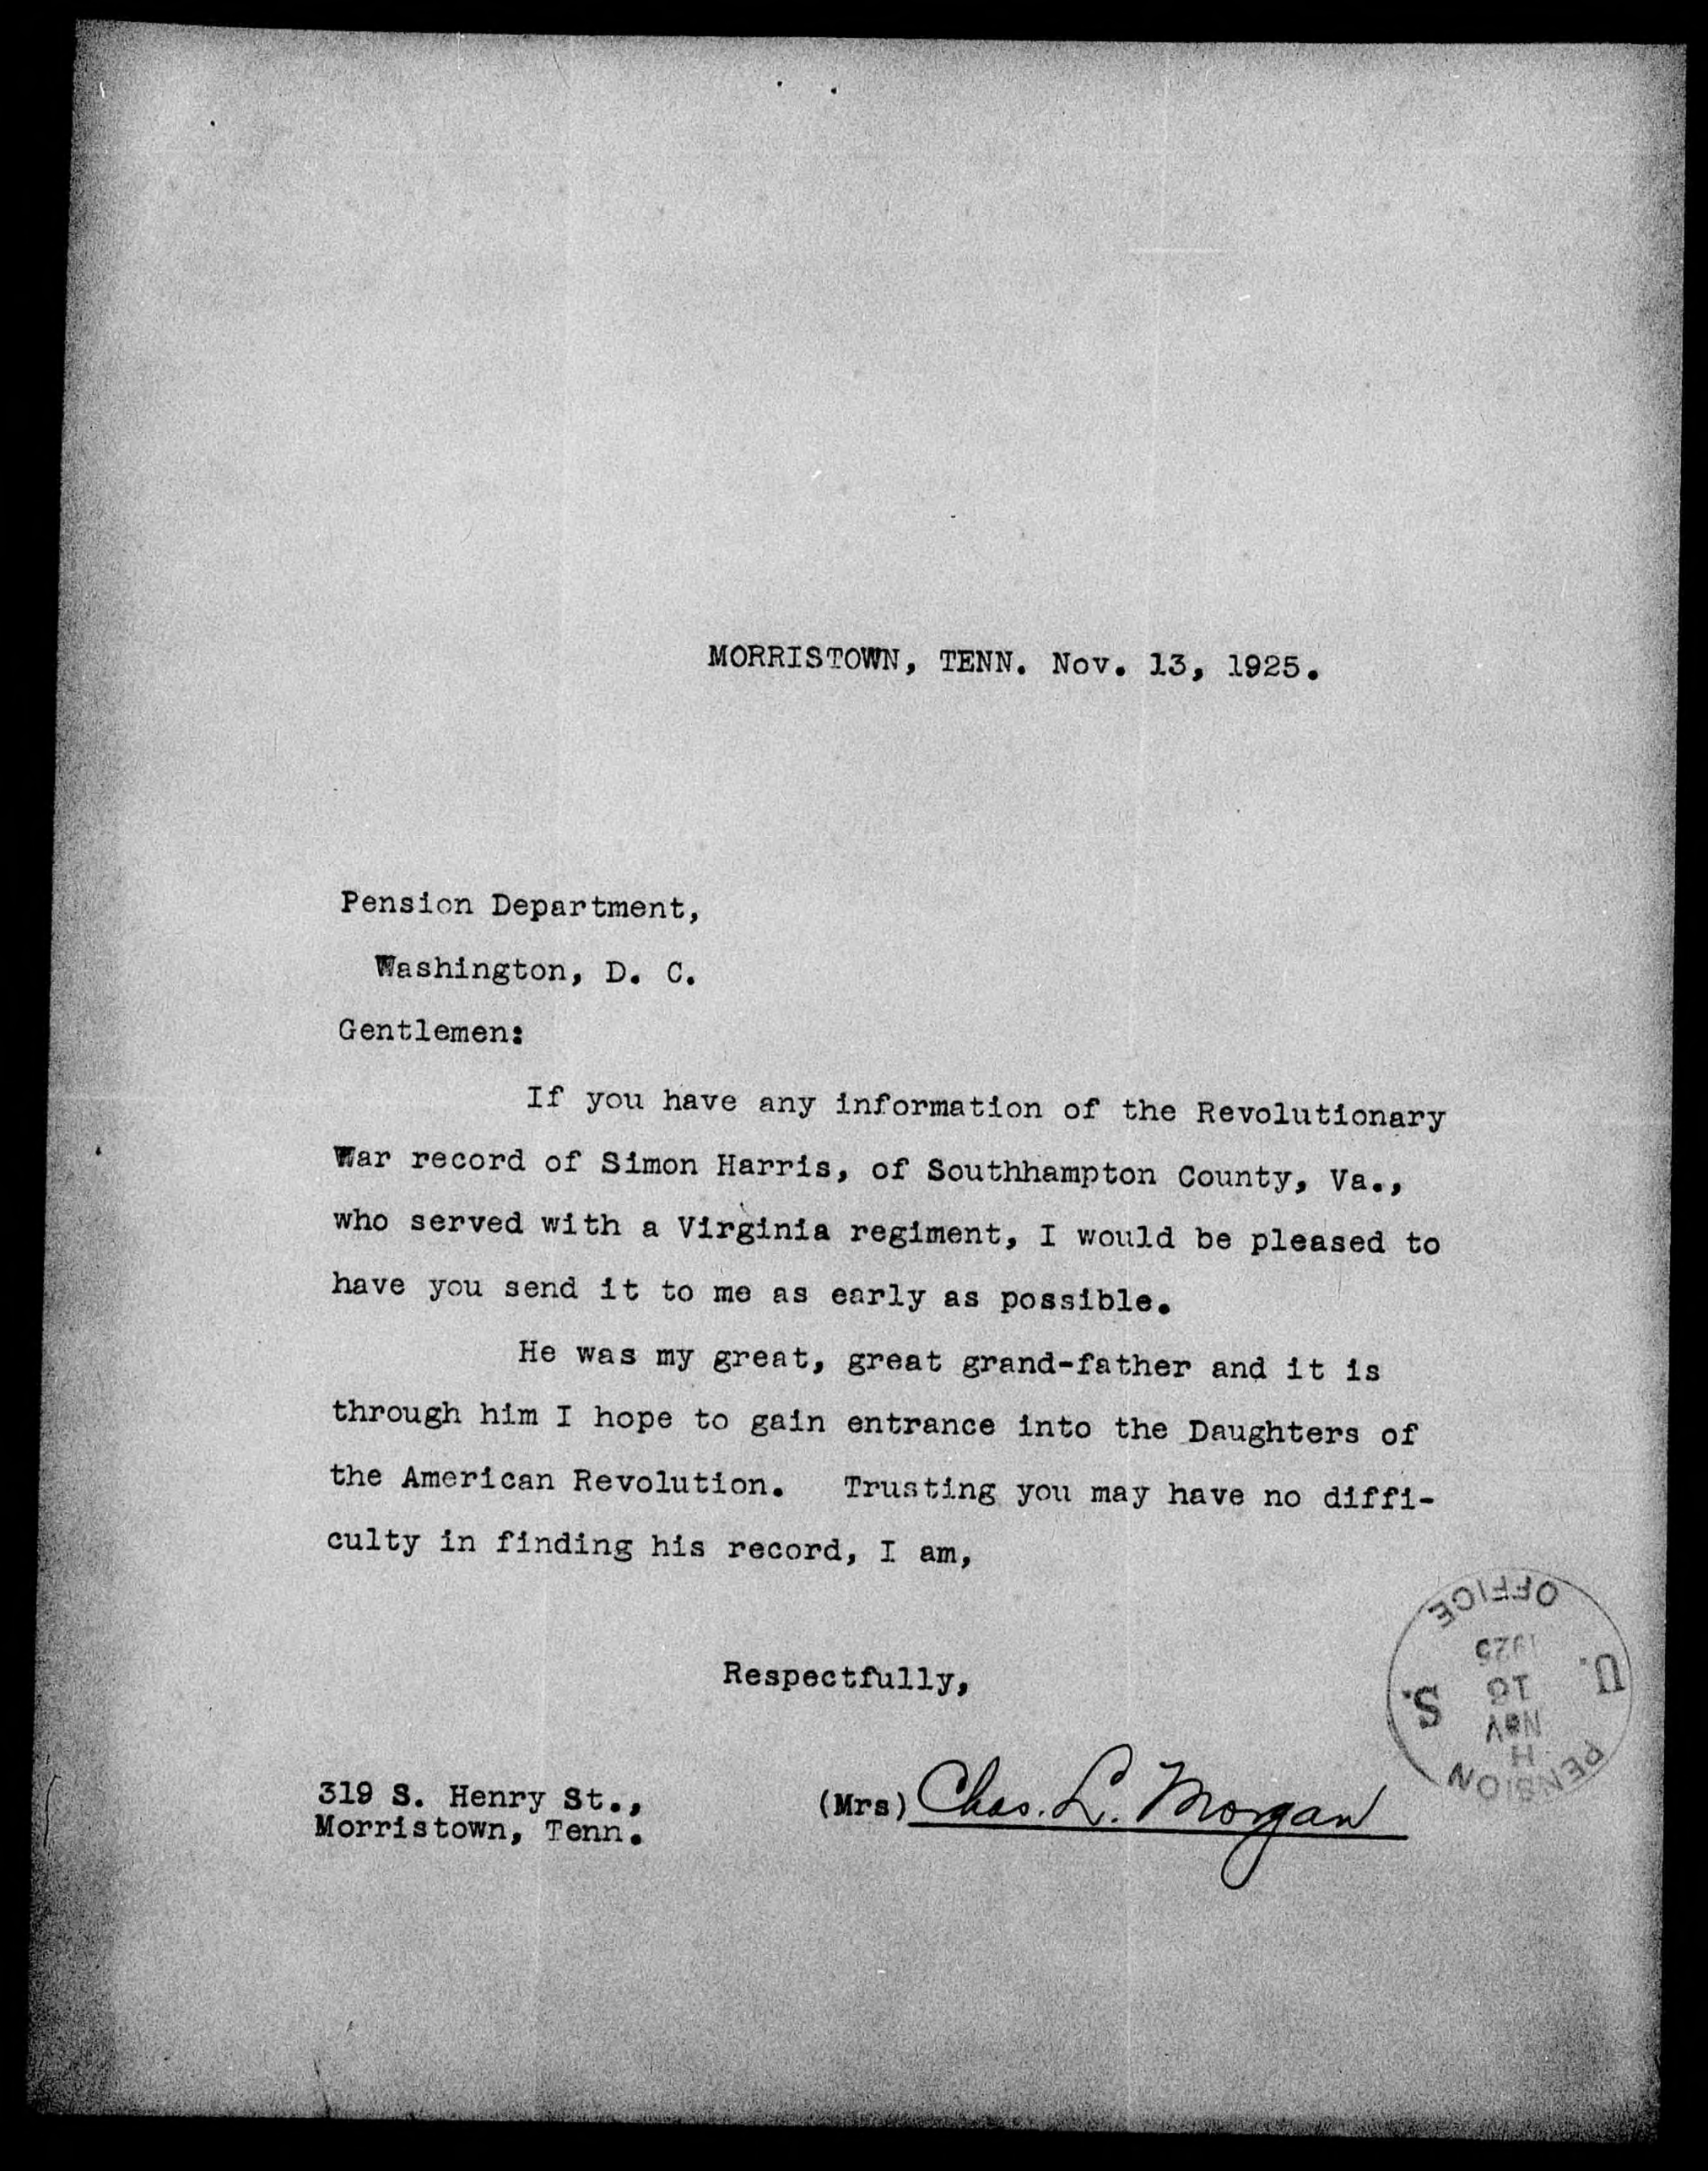Morristown, Tenn. Nove. 13, 1925.

Pension Department,
Washington, D. C.
Gentlemen:

If you have any information of the Revolutionary War record of Simon Harris, of Southhampton County, Va., who served with a Virginia regiment, I would be pleased to have you send it to me as early as possible. 

He was my great, great grand-father and it is through him I hope to gain entrance into the Daughters of the American Revolution. Trusting you may have no difficulty in finding his record, I am, 

Respectfully, 
(Mrs.) Chas. L. Morgan

319 S. Henry St.,
Morristown, Tenn.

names: Chas L Morgan, Simon Harris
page: 17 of 24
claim: rejected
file: R. 4684, Simon Harris, Va.